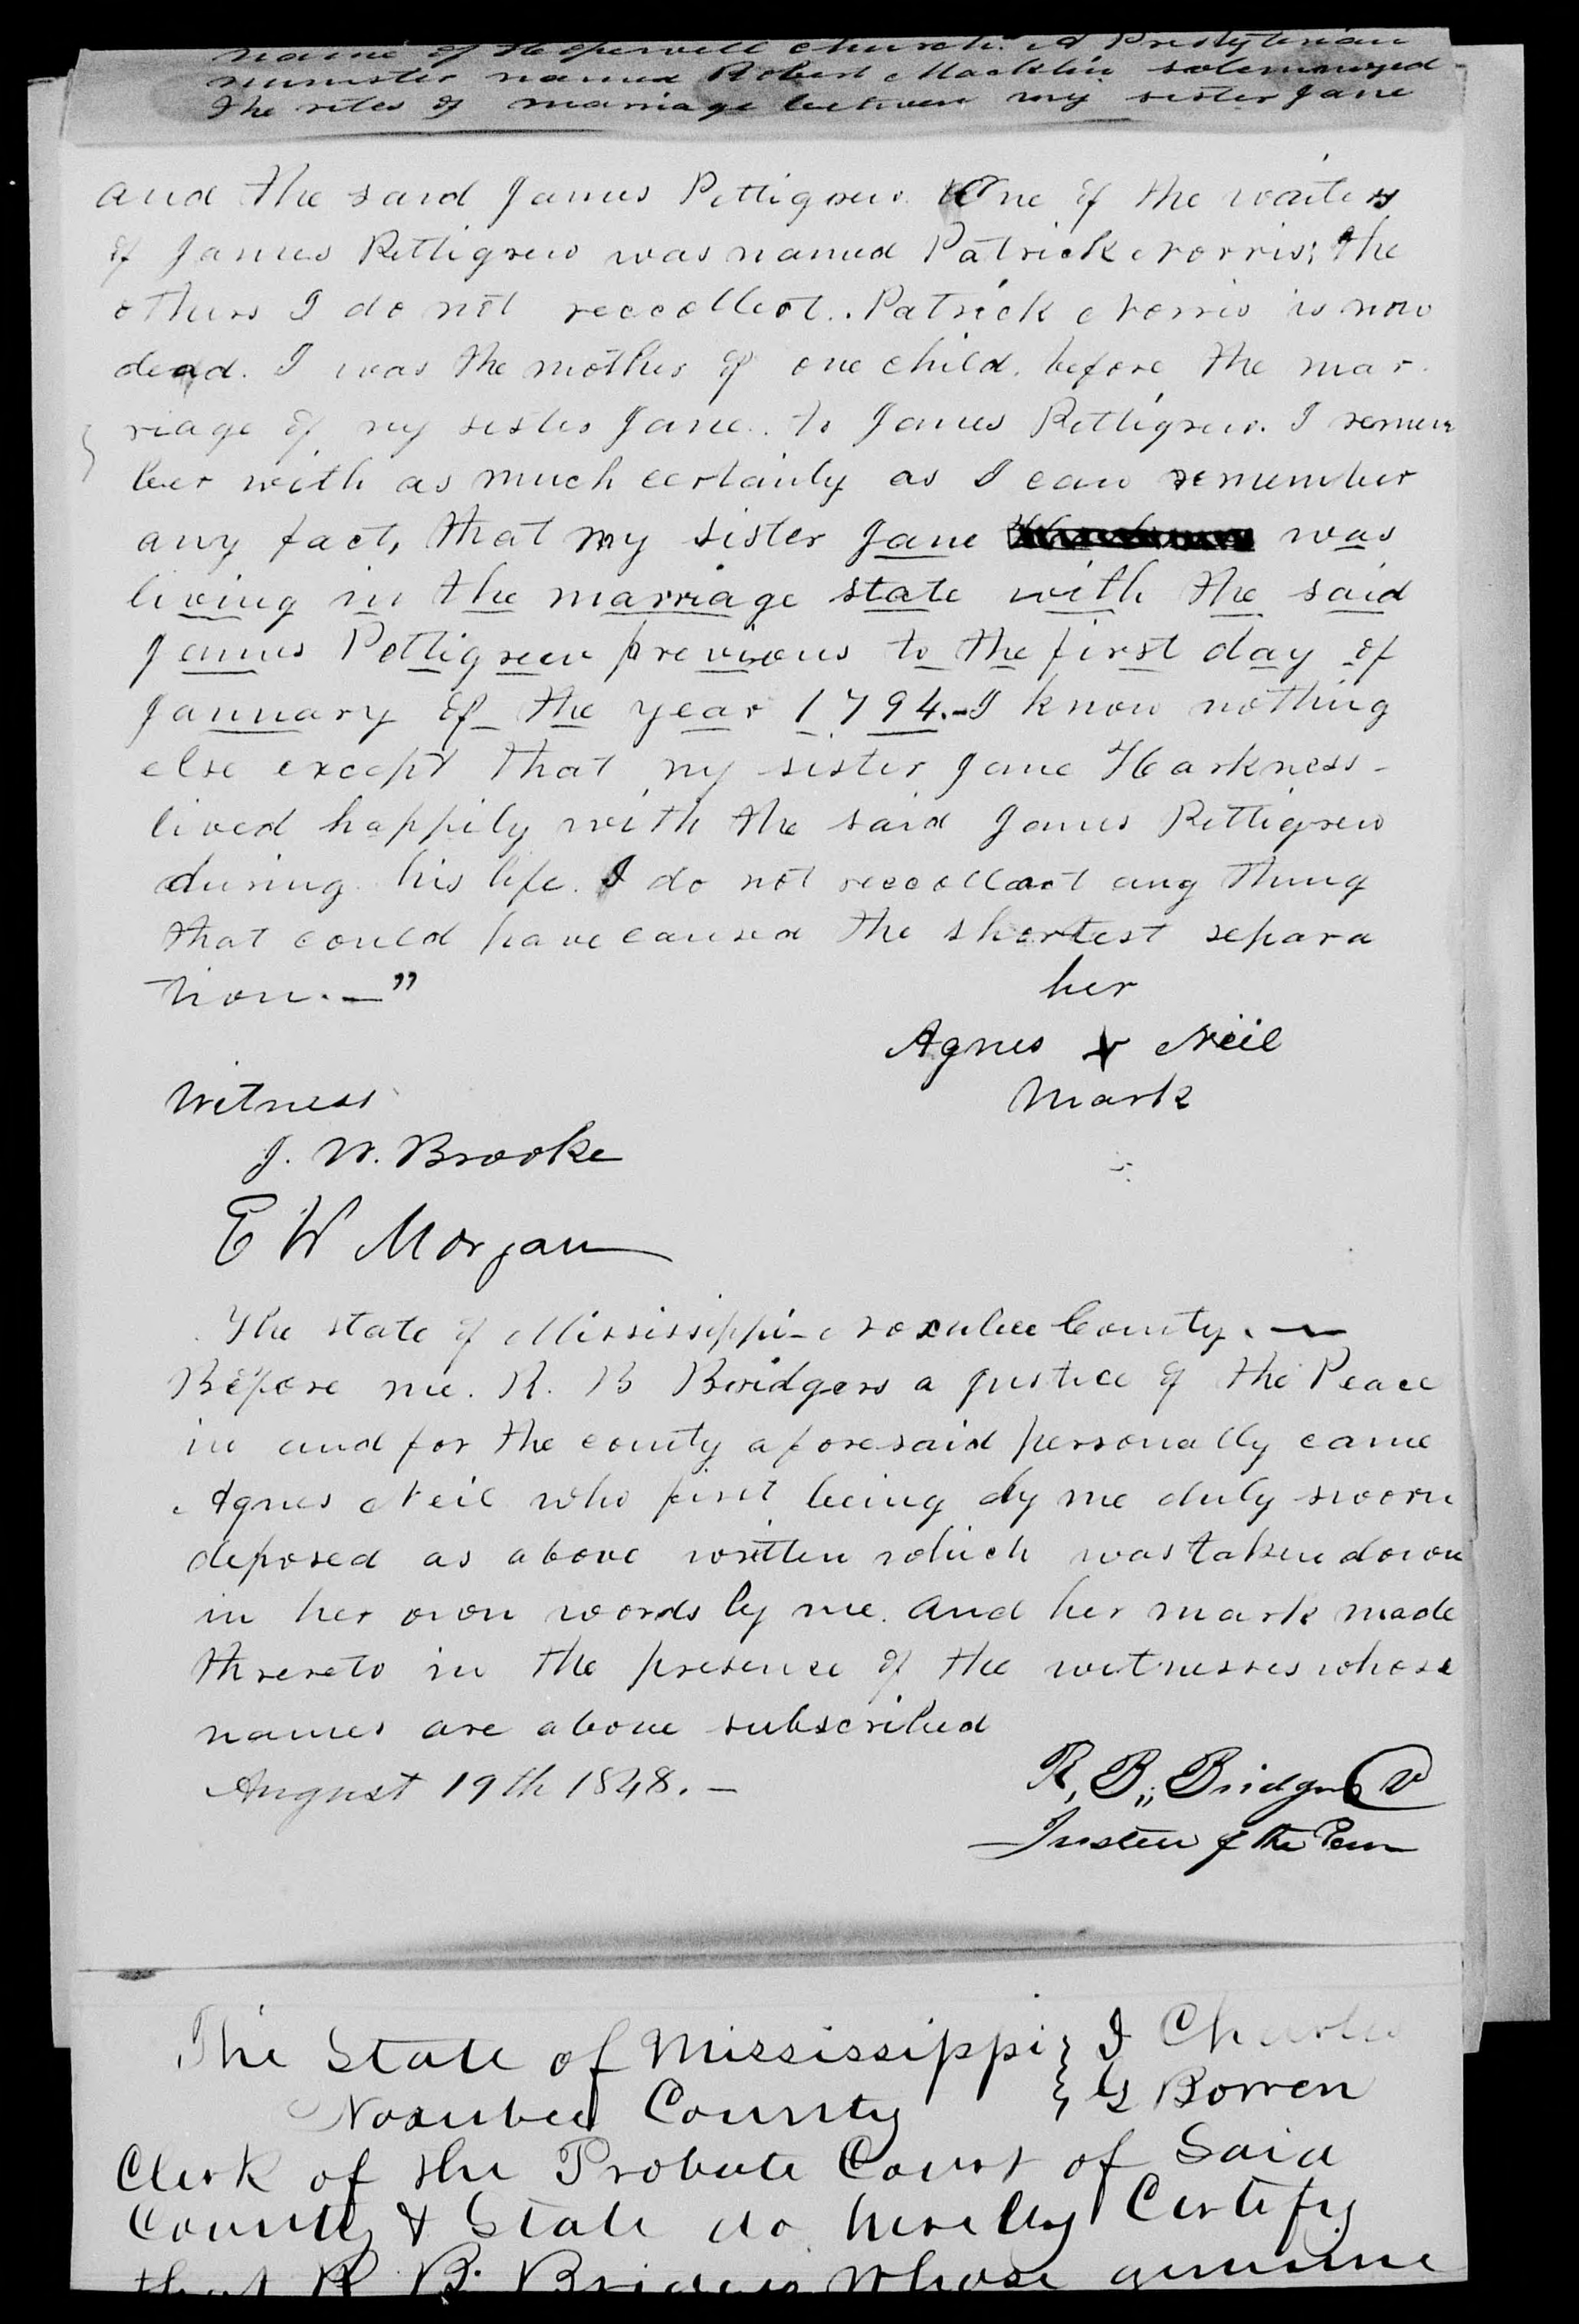and the said James Pettier one of the waite g
of James Pettigrew was named Patrick norris; the
others I do not recollect. Patrick Norris is now
dead. I was the mother of one child, before the mar
riage of my sister Jane to James Pettigrew. I remem
ber with as much certainly as I can remember
any fact, that my sister Jane was
living in the marriage state with the said
James Pettigrew previous to the first day of
January of the year 1794. I know nothing
else except that my sister Jane Harkness
lived happily with the said James Pettigrew during
his life. I do not recollect any thing
that could have caused the shortest separation

          her
Agnes X Neil
         Mark

Witness
J. W. Brooke
E W Morgan


The State of Mississippi - Noxubee County--
Before me R. B. Bridgers a Justice of the Peace
in and for the county aforesaid personally came
Agnes Neil who first being by me duly sworn
deposed as above written which was taken down
in her own words by me and her mark made
thereto in the presence of the witnesses whose
names are above subscribed
August 19th 1848.-

R. B. Bridgers
Justice of the Peace
The State of Mississippi
Noxubee County

I Charles G. Bowen
Clerk of the Probate Court of said
County & State do hereby certify
that R. B. Bridgers whose genuine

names: Patrick Norris; E W Morgan; Charles G Bowen; Jane [BLANK]; J W Brooke; Jane Harkness; James Pettigrew; Jane Pettigrew; R B Bridgers; Agnes Neil; Robert Macklin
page: 74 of 92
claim: widow's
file: W. 5522, for James Pettigrew, South Carolina